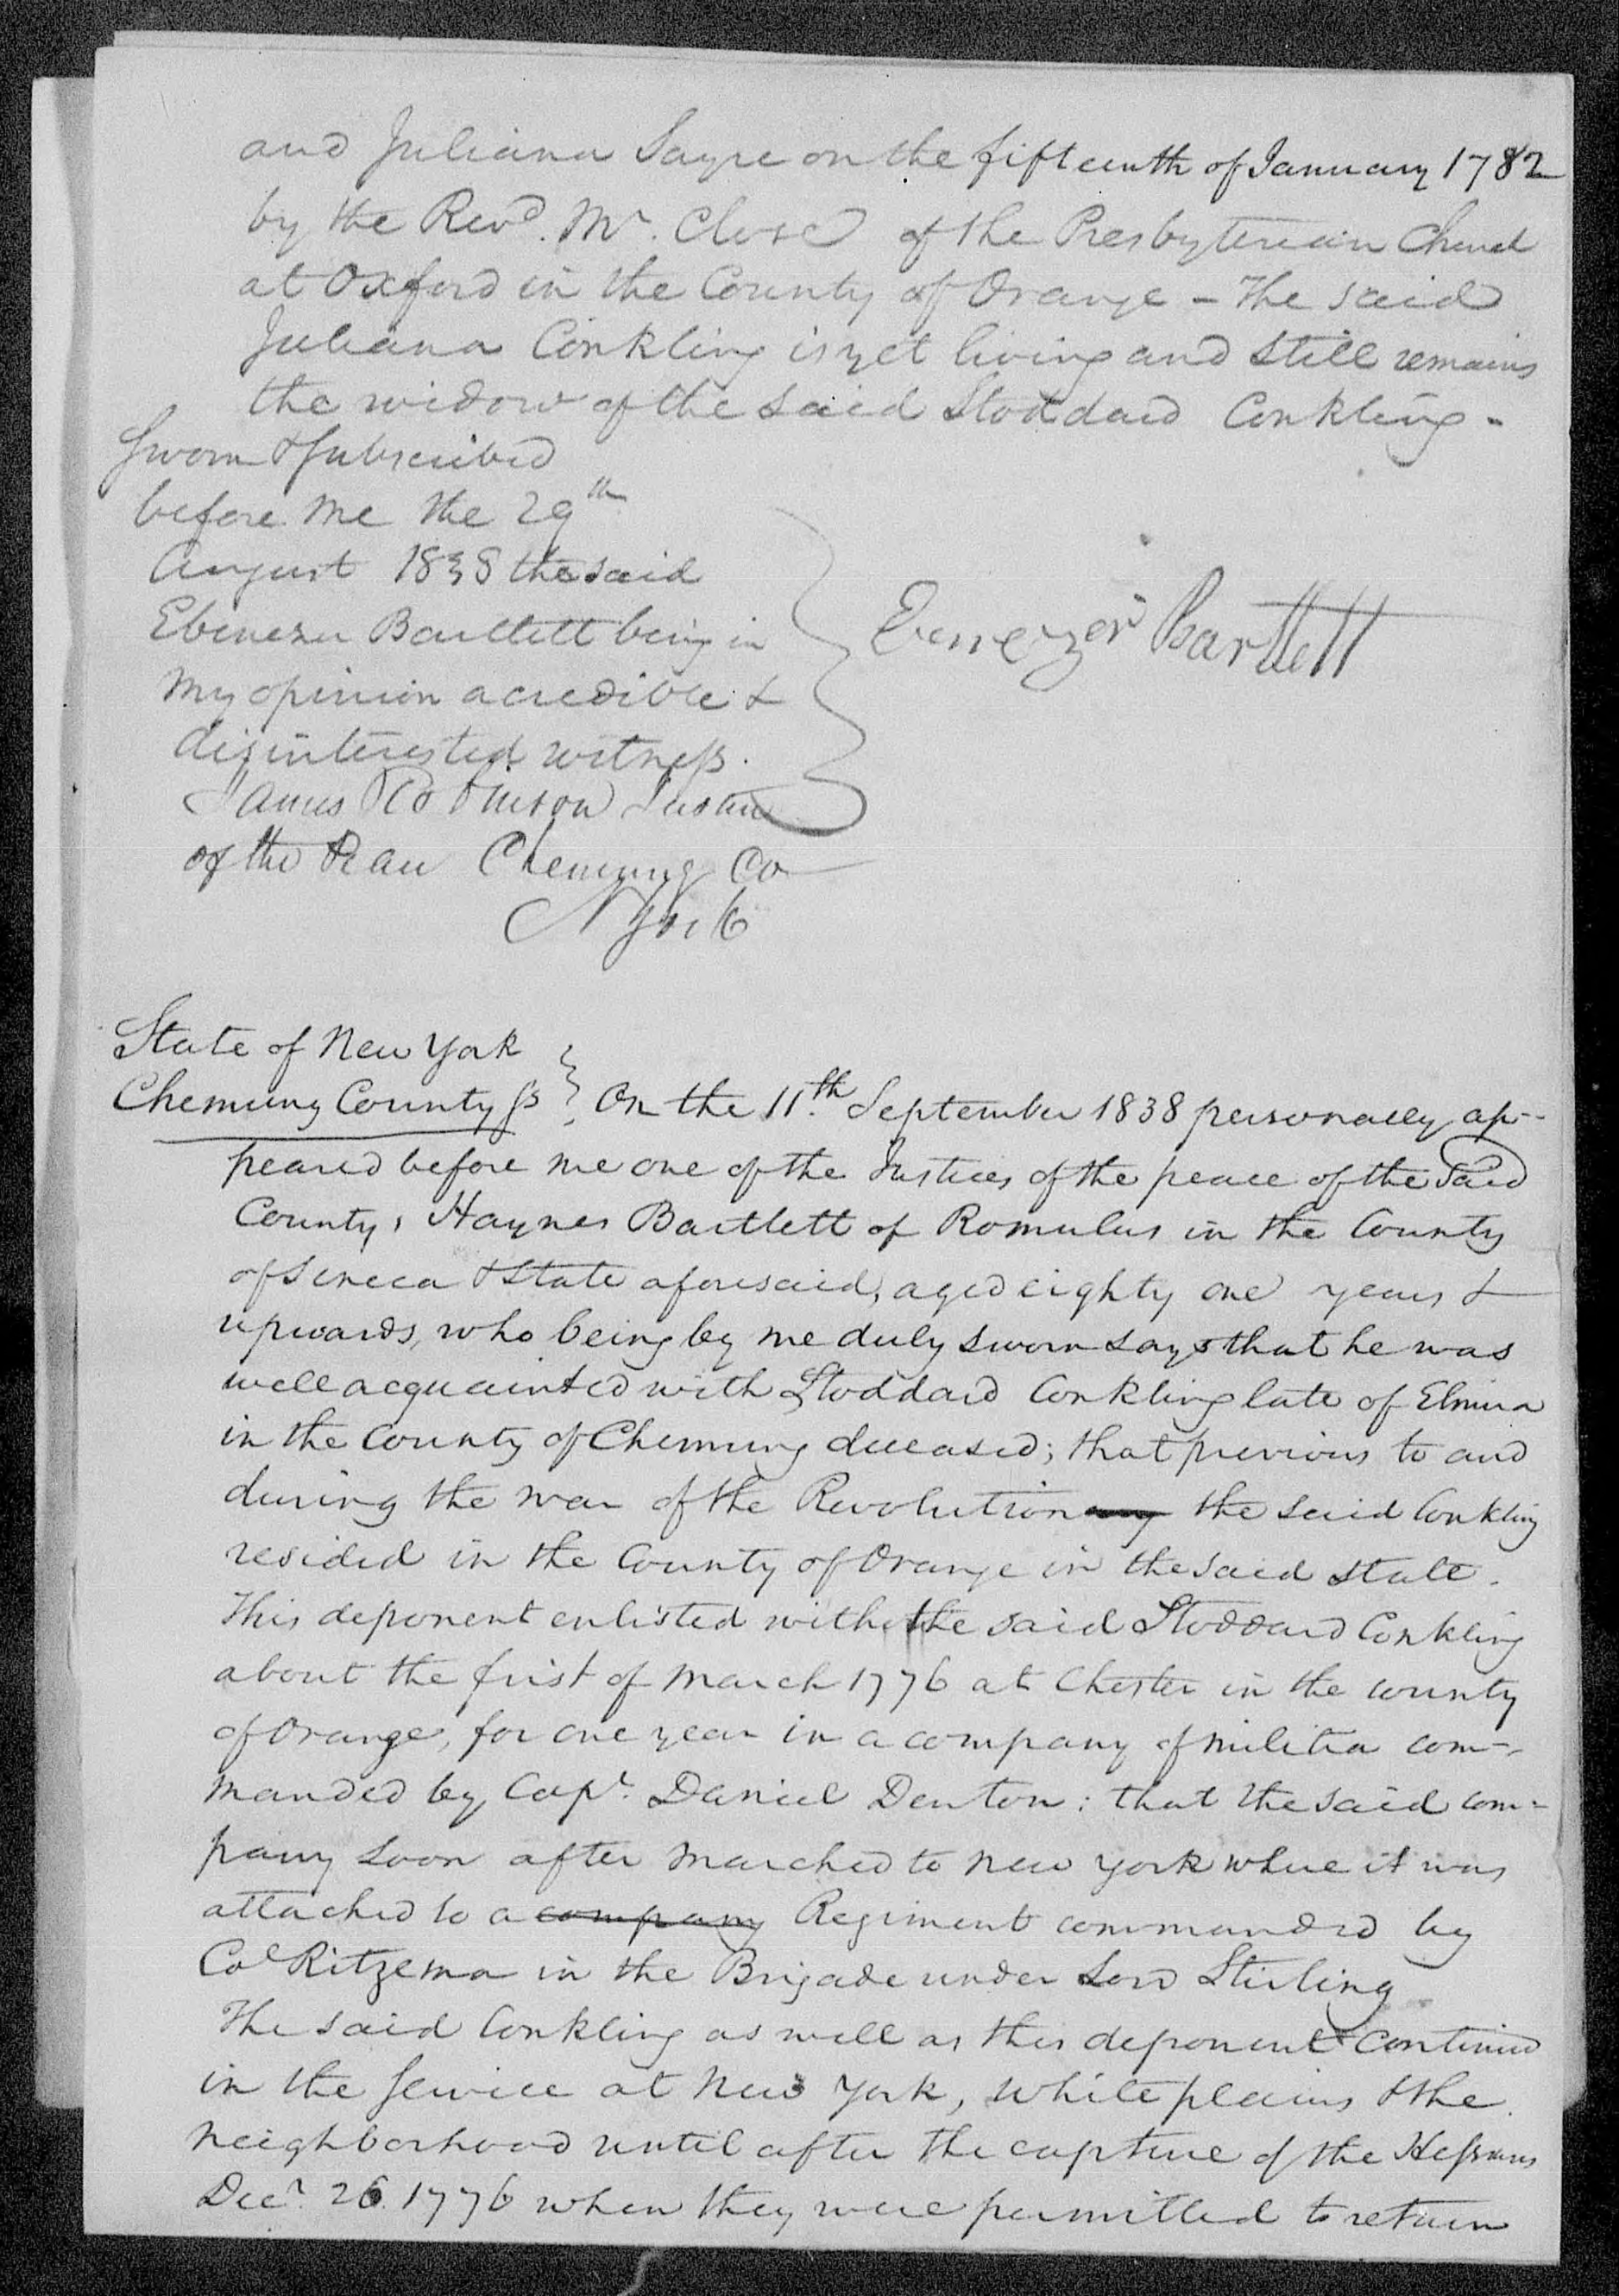and Juliana Sayre on the fifteenth of January 1782 by the Revd. Mr. Close of the Presbyterian church at Oxford in the County of Orange. The said Juliana Conkling is yet living and still remains the widow of the said Stoddard Conkling.  Ebenezer Bartlett
Sworn + subscribed before me the 29th August 1838 the said Ebenezer Bartlett being in my opinion a credible + disinterested witness. 
James Robinson Justice of the Peace Chemung co. N York
State of New York Chemung County ss} On the 11th September 1838 personally appeared before me one of the Justices of the peace of the said County, Haynes Bartlett of Romulus in the county of Seneca + state  aforesaid, aged eighty one years + upwards, who being by me duly sworn says that he was well acquainted with Stoddard Conkling late of Elmira in the county of Chemung deceased; that previous to and during the war of the Revolution the said Conkling resided in the county of Orange in the said state this deponent enlisted with the said Stoddard Conkling about the first of March 1776 at Chester in the county of Orange, for one year in a company of militia commanded by Capt. Daniel Denton: that the said company soon after marched to New York where it was attached to a Regiment commanded by Col Ritzema in the Brigade under Lord Sterling The said Conkling as well as this deponent continued in the service at New York, White Plains + the neighborhood until after the capture of the Hessians Dec 26 1776 when they were permitted to return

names: Conkling, James Robinson, Stoddard Conkling, Ebenezer Bartlett, Ebenezer Bartlett, Ritzema, Stoddard Conkling, Conkling, Juliana Sayre, Juliana Conkling, Stoddard Conkling, Daniel Denton, Close, Haynes Bartlett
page: 9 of 18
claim: widow's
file: W. 18,939, Jonathan S Conkling, New York